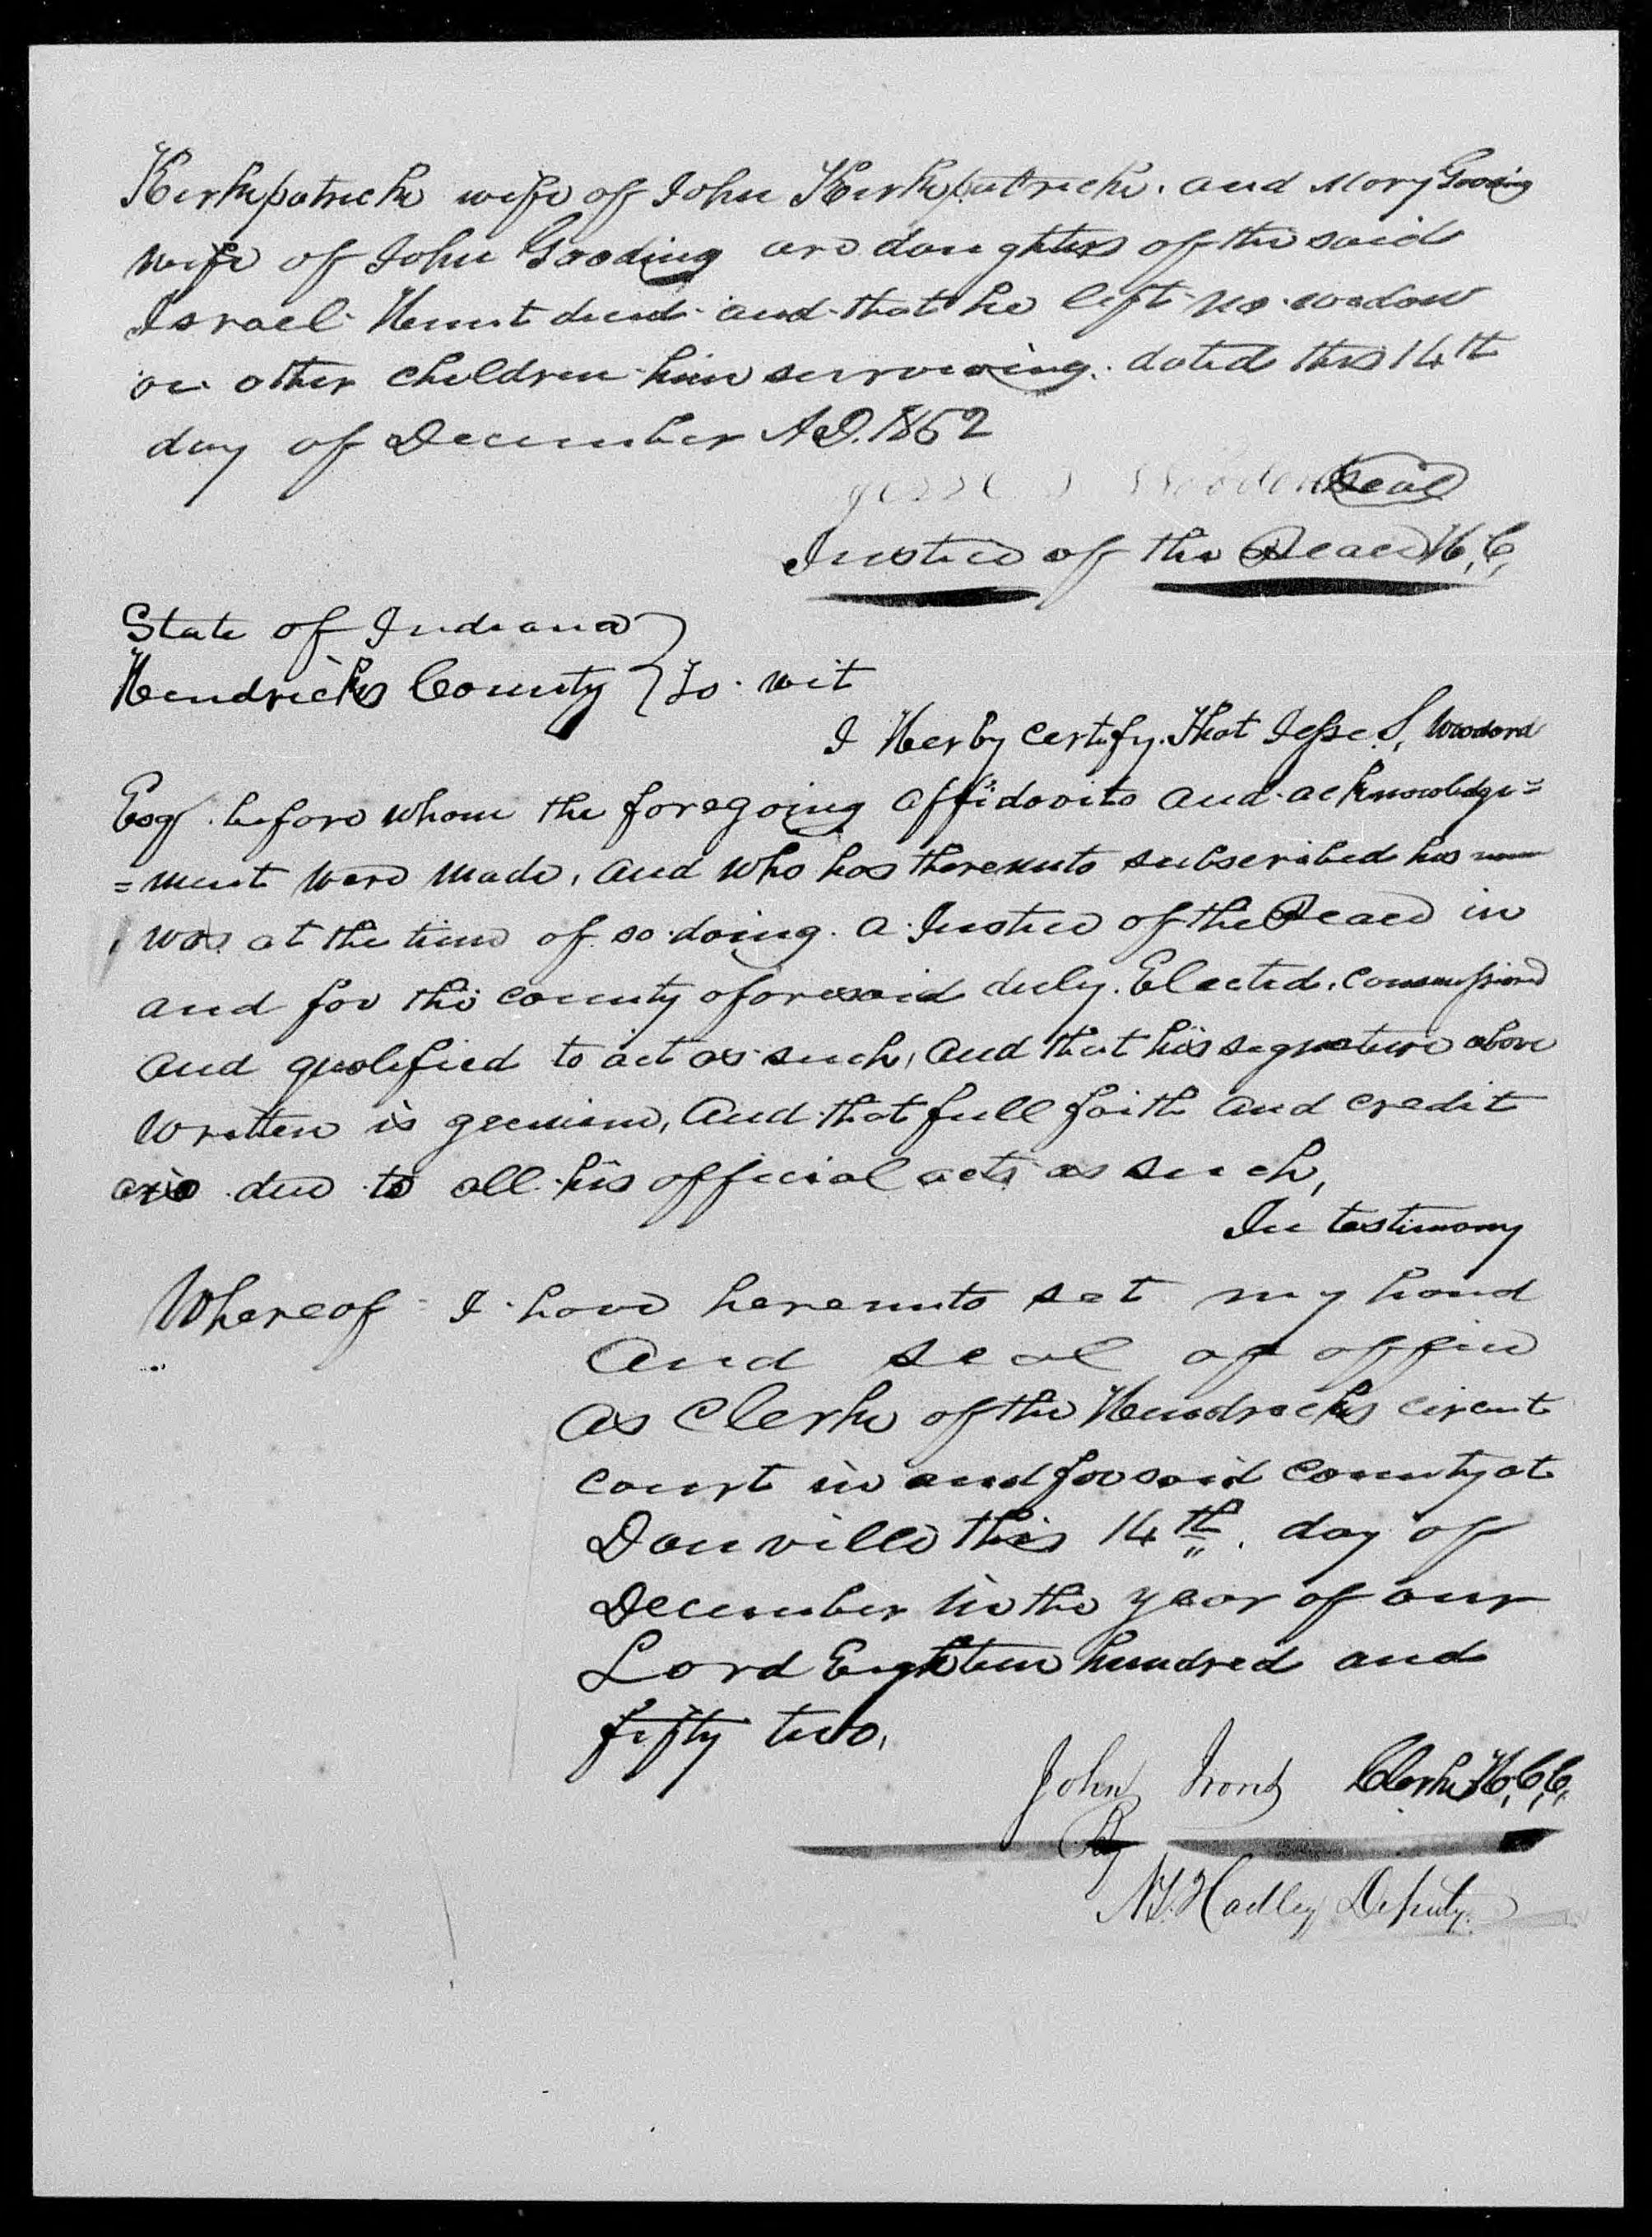Kirkpatrick wife of John Kirkpatrick and Mary Gooding wife of John Gooding and daughters of the said Israel Hunt decd and that he left no widow or other children him surviving dated this 14th day of December A.D. 1852.

Jesse S. Woodard
Justice of the Peace

State of Indiana
Hendricks County }ss  To wit
I hereby certify that Jesse S. Woodard Esq before whom the foregoing affidavits and acknowledgements were made, and who has thereunto subscribed his name was at the time of so doing a Justice of the Peace in and for the county aforesaid duly elected, commissioned and qualified to act as such, and that his signature above written is genuine  and that full faith and credit are due to all his official acts as such.  
In testimony whereof I have hereunto set my hand and seal of office as clerk of the Hendricks circuit court in and for said county at Danville this 14th day of December in the year of our Lord Eighteen hundred and fifty two.  
John Irons Clerk H.C.C.
by
G Hadley Deputy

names: Mary Gooding; [BLANK] Kirkpatrick; Israel Hunt; John Gooding; John Irons; John Kirkpatrick; Jesse S Woodard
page: 5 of 18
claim: rejected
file: R. 5393, for Israel Hunt, New Jersey